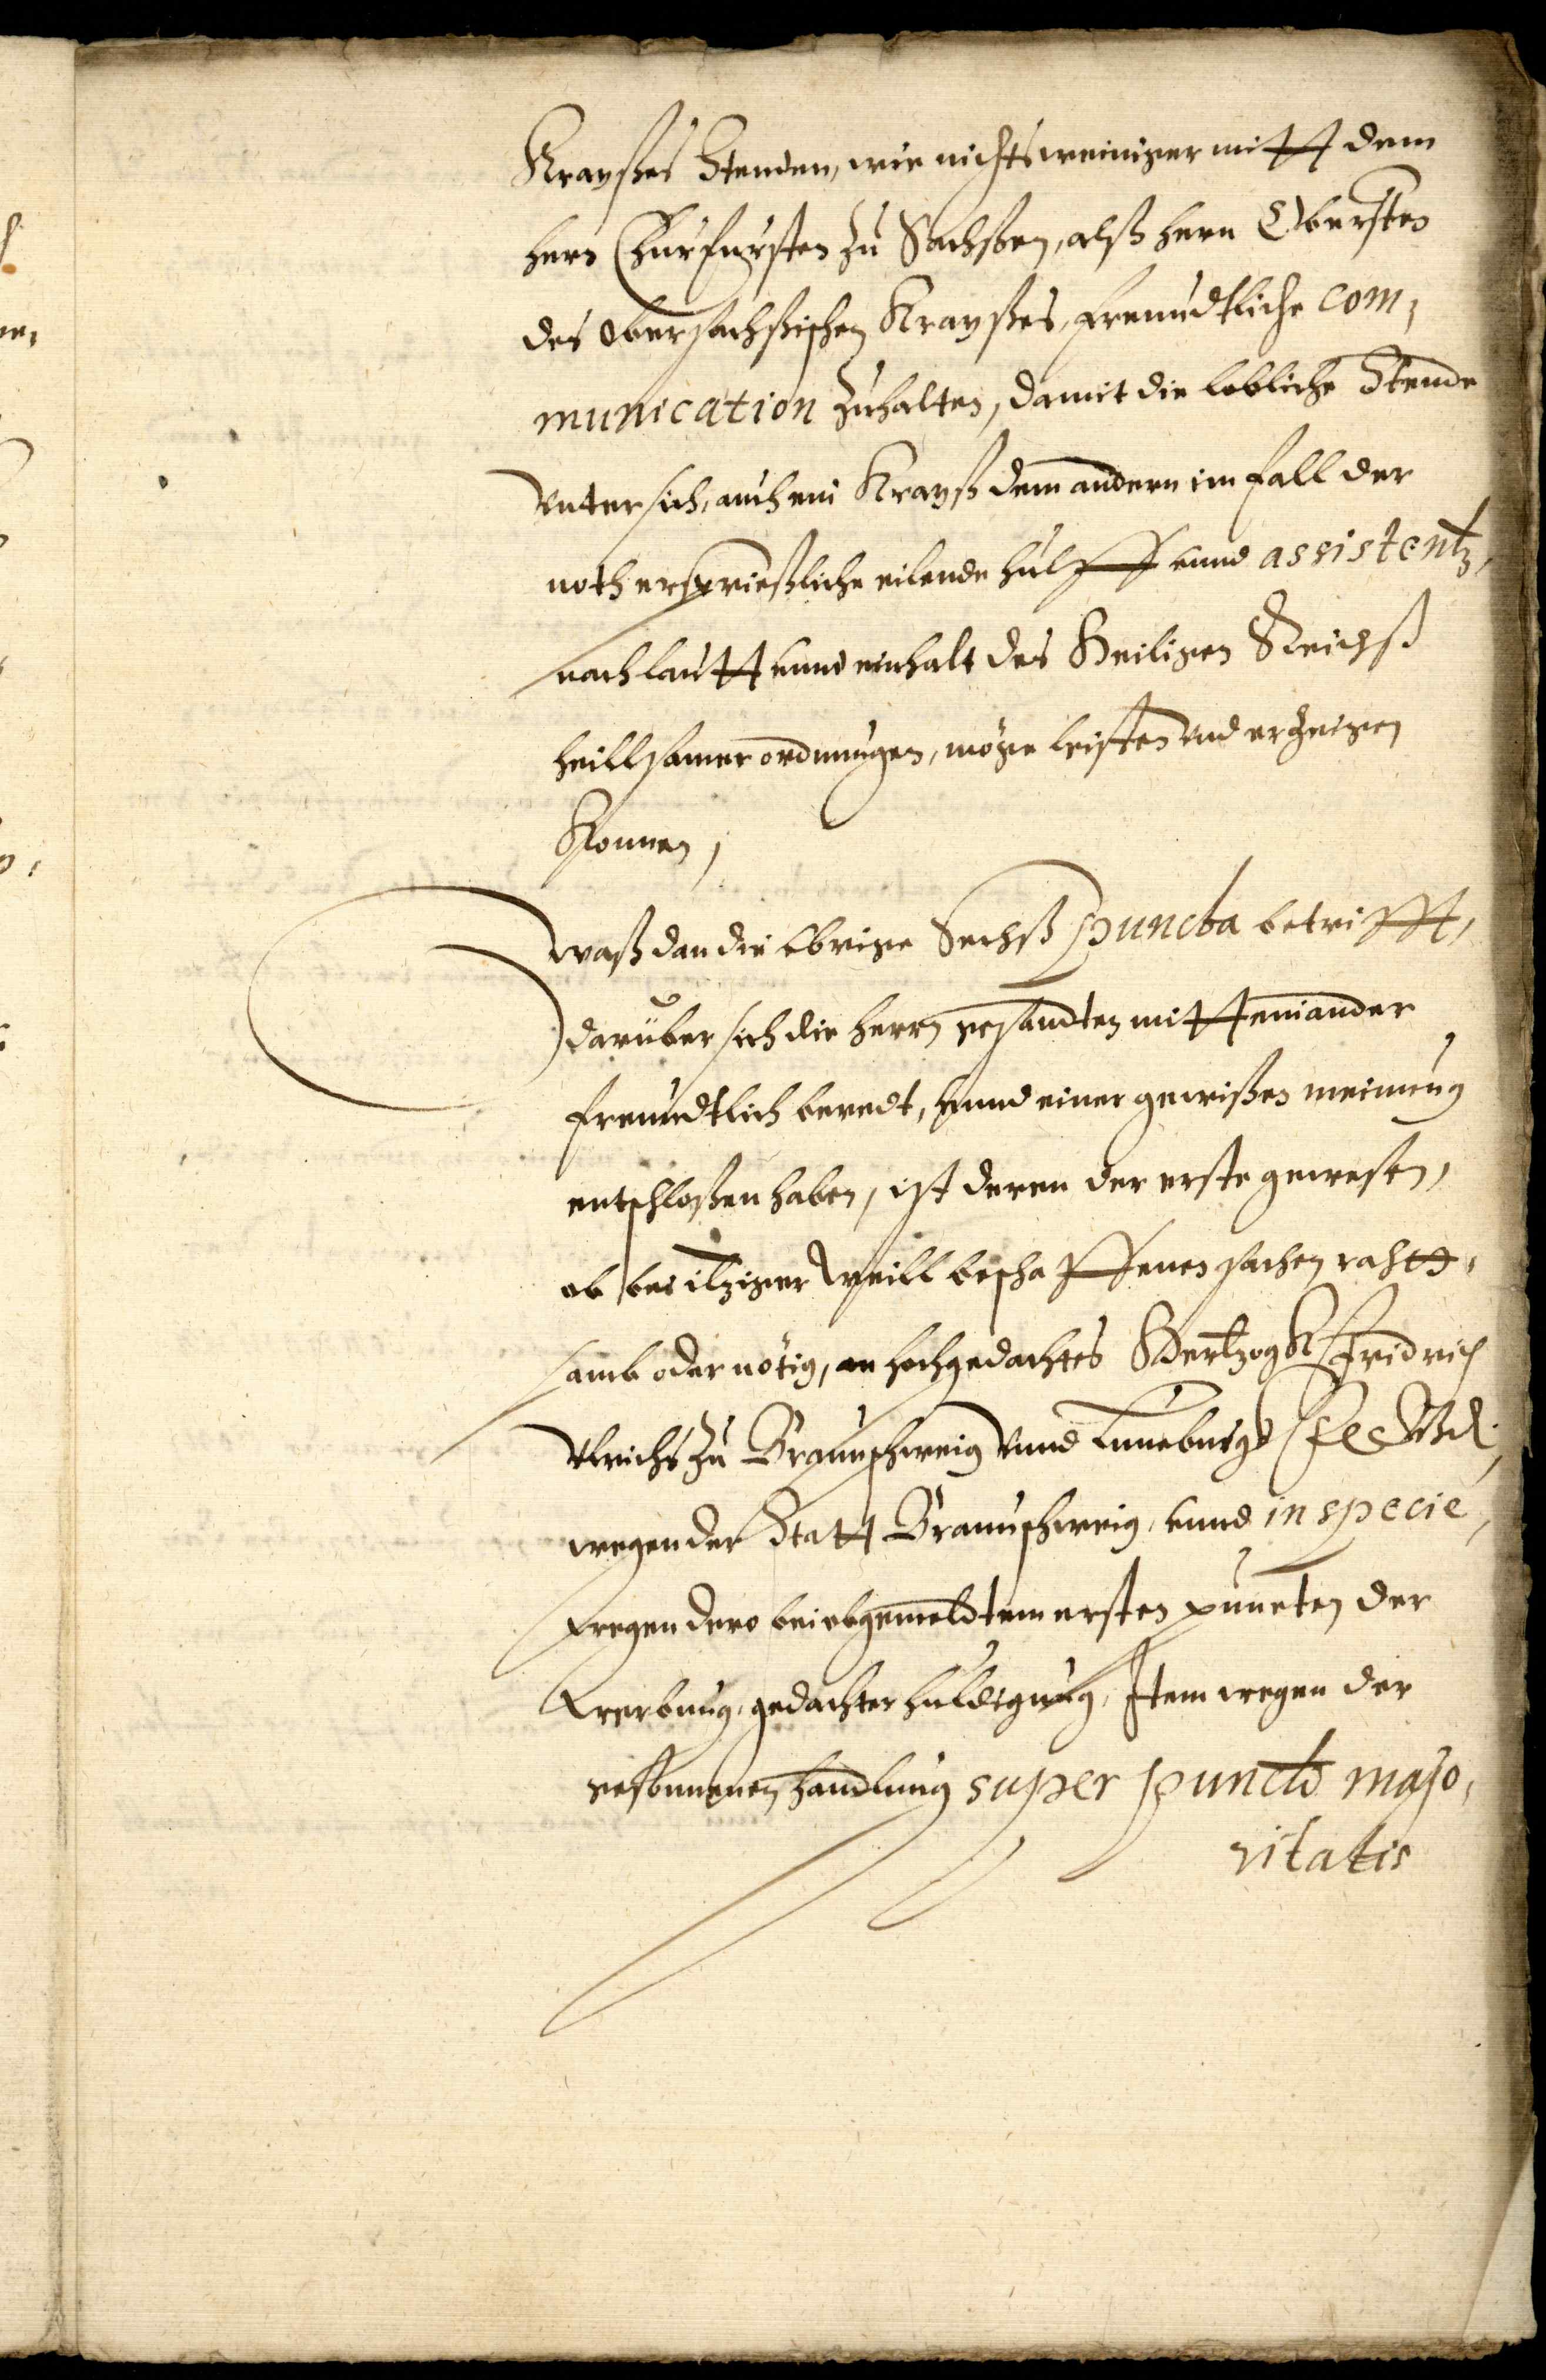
Krayßes Stenden, wie nichts weiniger mitt dem
hern Churfursten zu Sachßen, alß hern Obersten
des obersachßischen Krayßes freundtliche com¬
muniation zuhalten, damit die lobliche Stende
vnter sich, auch ein Krayß dem andern im fall der
noth ersprießliche eilende hulff vnnd assistenz,
nach lautt vnnd einhalt des Heiligen Reichß
heillsamer ordnungen, möge leisten vnd erzeigen
konnen,
Waß dann die vbrigen Sechß puncta betrifft,
darüber sich die herrn gesandten mitteinander
freundtlich beredt, vnnd einer gewißen meinung
entschloßen haben, ist deren der erste geweßen,
ob bei itziger weill beschaffenen sachen rahtt¬
samb oder nötig, an hochgedachtes Hertzogk Fridrich
Ulrichs zu Braunschweig vnnd Luneburgk Fl. Gd.
wegen der Statt Braunschweig, vnnd in specie
wegen dero bei obgemeldtem ersten puncten der
werbung gedachter huldigung, Item wegen der
gesonnenen handlung super puncto majo¬
ritatis
